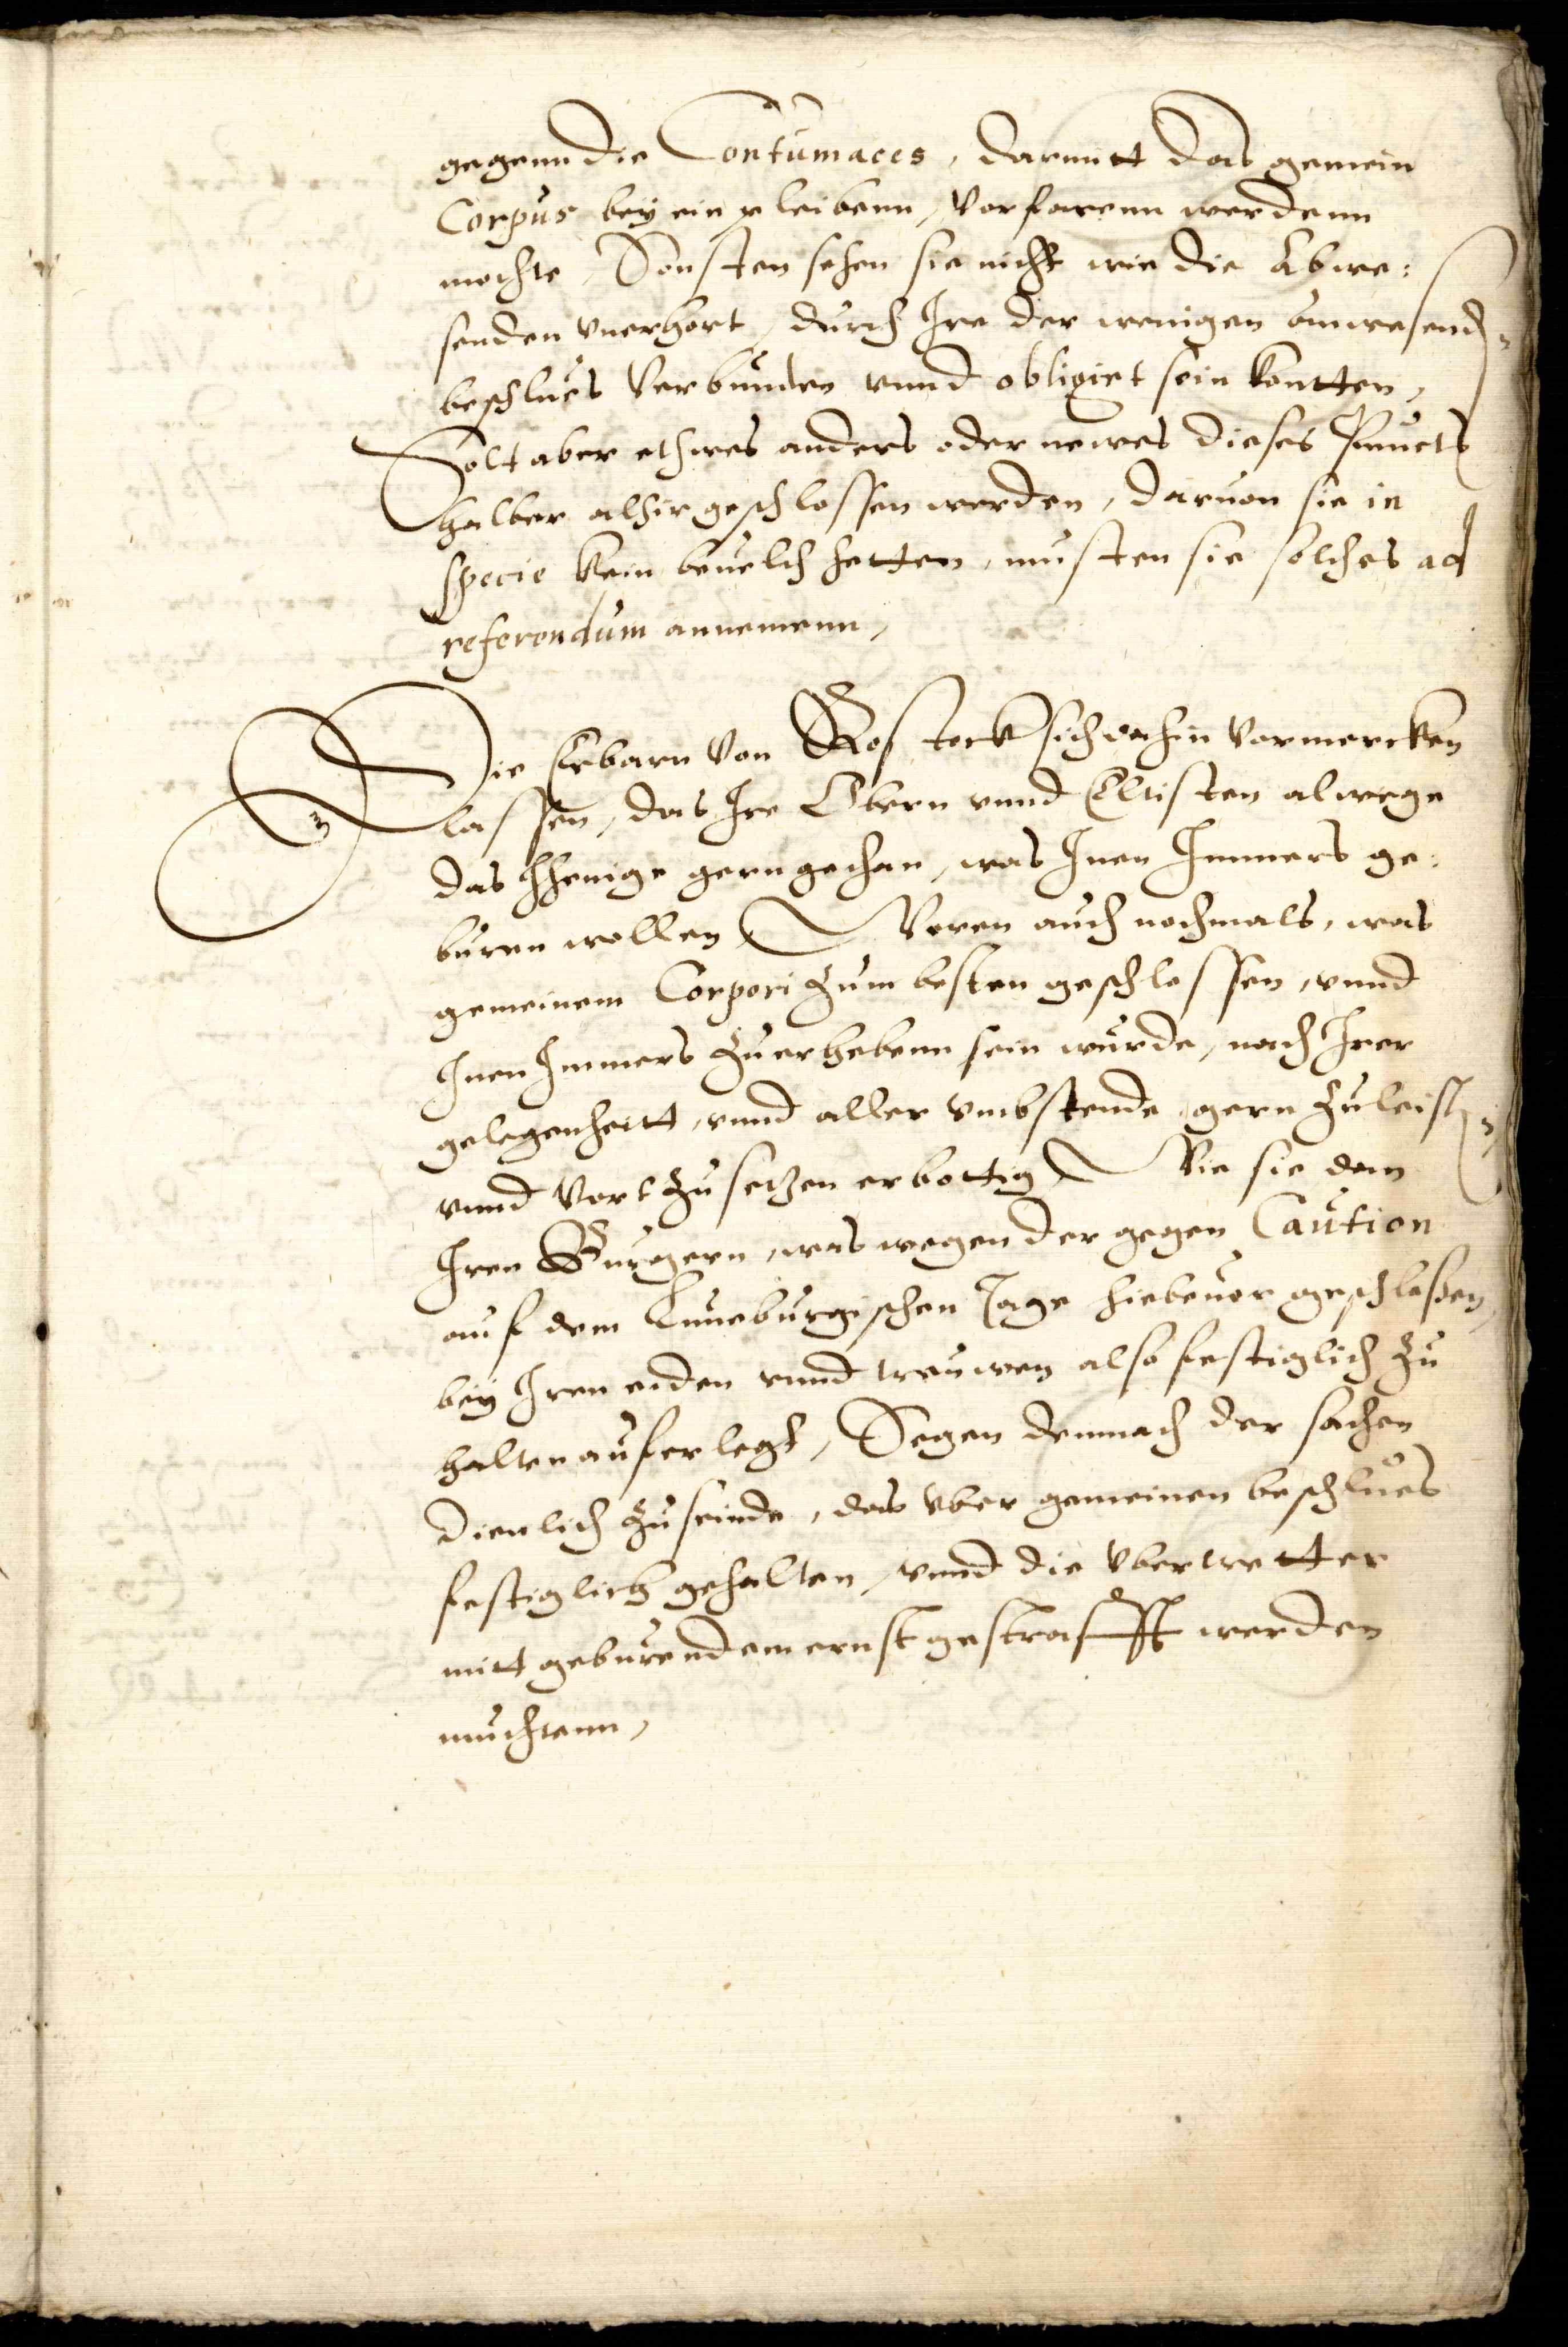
gegenn die Contumaces, darmitt das gemein
Corpus beij ein pleibenn, vorfarenn werdenn
mochte, Sonsten sehen sie nicht wie die abwe¬
senden vnerhort durch Jre der wenigen anwesenden
beschlues verbunden vnnd obligiert sein kontten,
Solt aber ethwes anders oder newes dieses Puncts
halber alhir geschlossen werden, daruon sie in
specie kein beuelch hetten, musten sie solches ad
referendum annemenn,
Die Erbarn von Rostock sich dahin vormercken
lassen, das Jre Obern vnnd Eltisten alwege
das Jhenige gern gethan, was Jnen Jmmers ge¬
buren wollen, Weren auch nochmals, was
gemeinem Corpori zum besten geschlossen, vnnd
Jnen Jmmers zu erhebenn sein wurde, nach Jrer
gelegenheitt, vnnd aller vmbstende gern zuleisten
vnnd vortzusetzen erbottig, Wie sie dan
Jren Burgern, was wegen der gegen Caution
auf dem Luneburgischen Tage hiebeuor geschloßen,
beij Jren eiden vnnd treuwen also festiglich zu
halten auferlegt, Segen demnach der sachen
dienlich zu seinde, das vber gemeinen beschlues
festiglich gehalten, vnnd die vbertretter
mitt geburendem ernst gestrafft werden
muchtenn,
